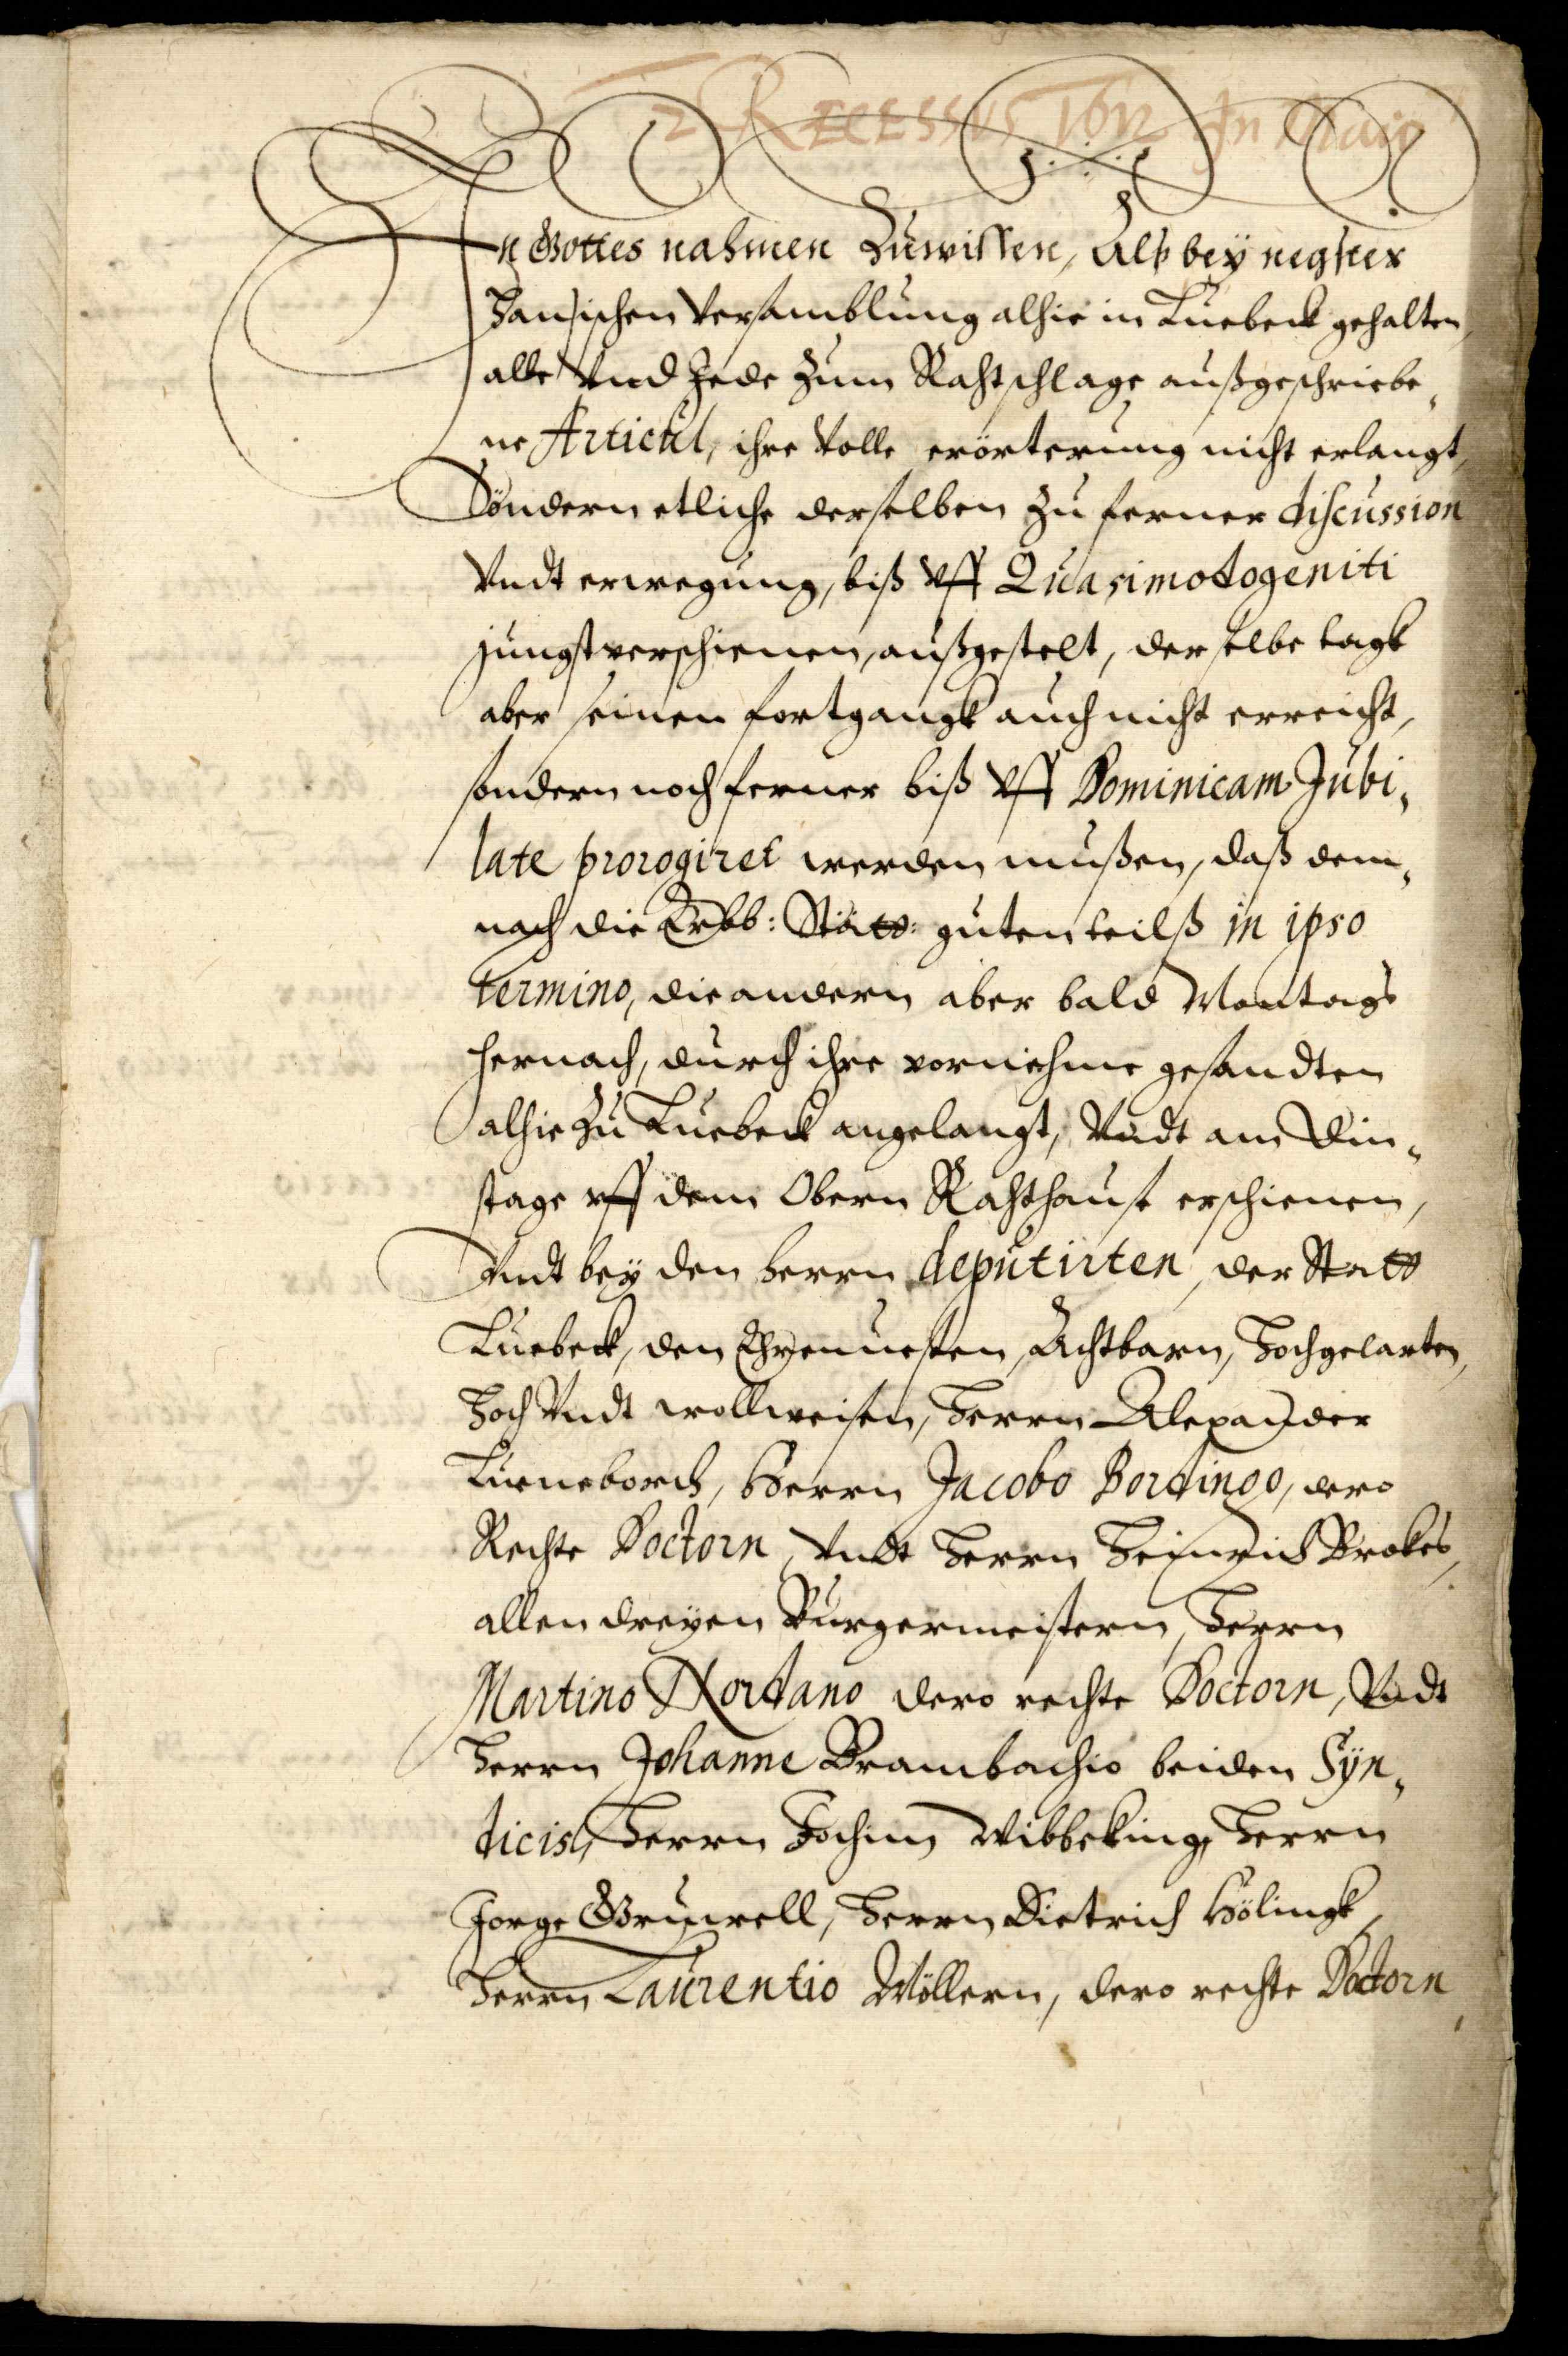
1
RECESSVS 1612 In Maio
In Gottes nahmen Zuwissen, Als beij negster
hansischen Versamblung alhie in Luebeck gehalten,
alle vnd jede zum Rahtschlage außgeschriebe¬
ne Articul, ihre Volle erörterung nicht erlangt,
Söndern etliche derselben zu ferner discussion
Vndt erwegung, biß Vff Quasimodogeniti
jungstverschienen, außgestelt, derselbe tagk
aber seinen fortgangk auch nicht erreicht,
sondern noch ferner biß Vff Dominicam Jubi¬
late prorogiret werden mußen, daß dem¬
nach die Erbb: Stätt: guten teilß in ipso
termino, die andern aber bald Montagk
hernach, durch ihre vornehme gesandten
alhie zu Luebeck angelangt, vndt am din¬
stage vff dem Obern Rahthause erschienen,
Vndt beij den herrn deputirten der Statt
Luebeck, den Ehrenuesten, Achtbarn, Hochgelarten,
hoch Vndt wollweisen, Herrn Alexander
Luneborch, Herrn Jacobo Bordingo, dero
Rechte Doctorn, Vndt Herrn Heinrich Brokes,
allen dreijen Burgermeistern, Herrn
Martino Nordano dero rechte Doctorn, Vndt
Herrn Johanne Brambachio beiden Sijn¬
dicis, Herrn Jochim Wibbeking, Herrn
Jorge Gruwell, Herrn Dietrich Hölingk
Herrn Laurentio Möllern, dero rechte Doctorn
